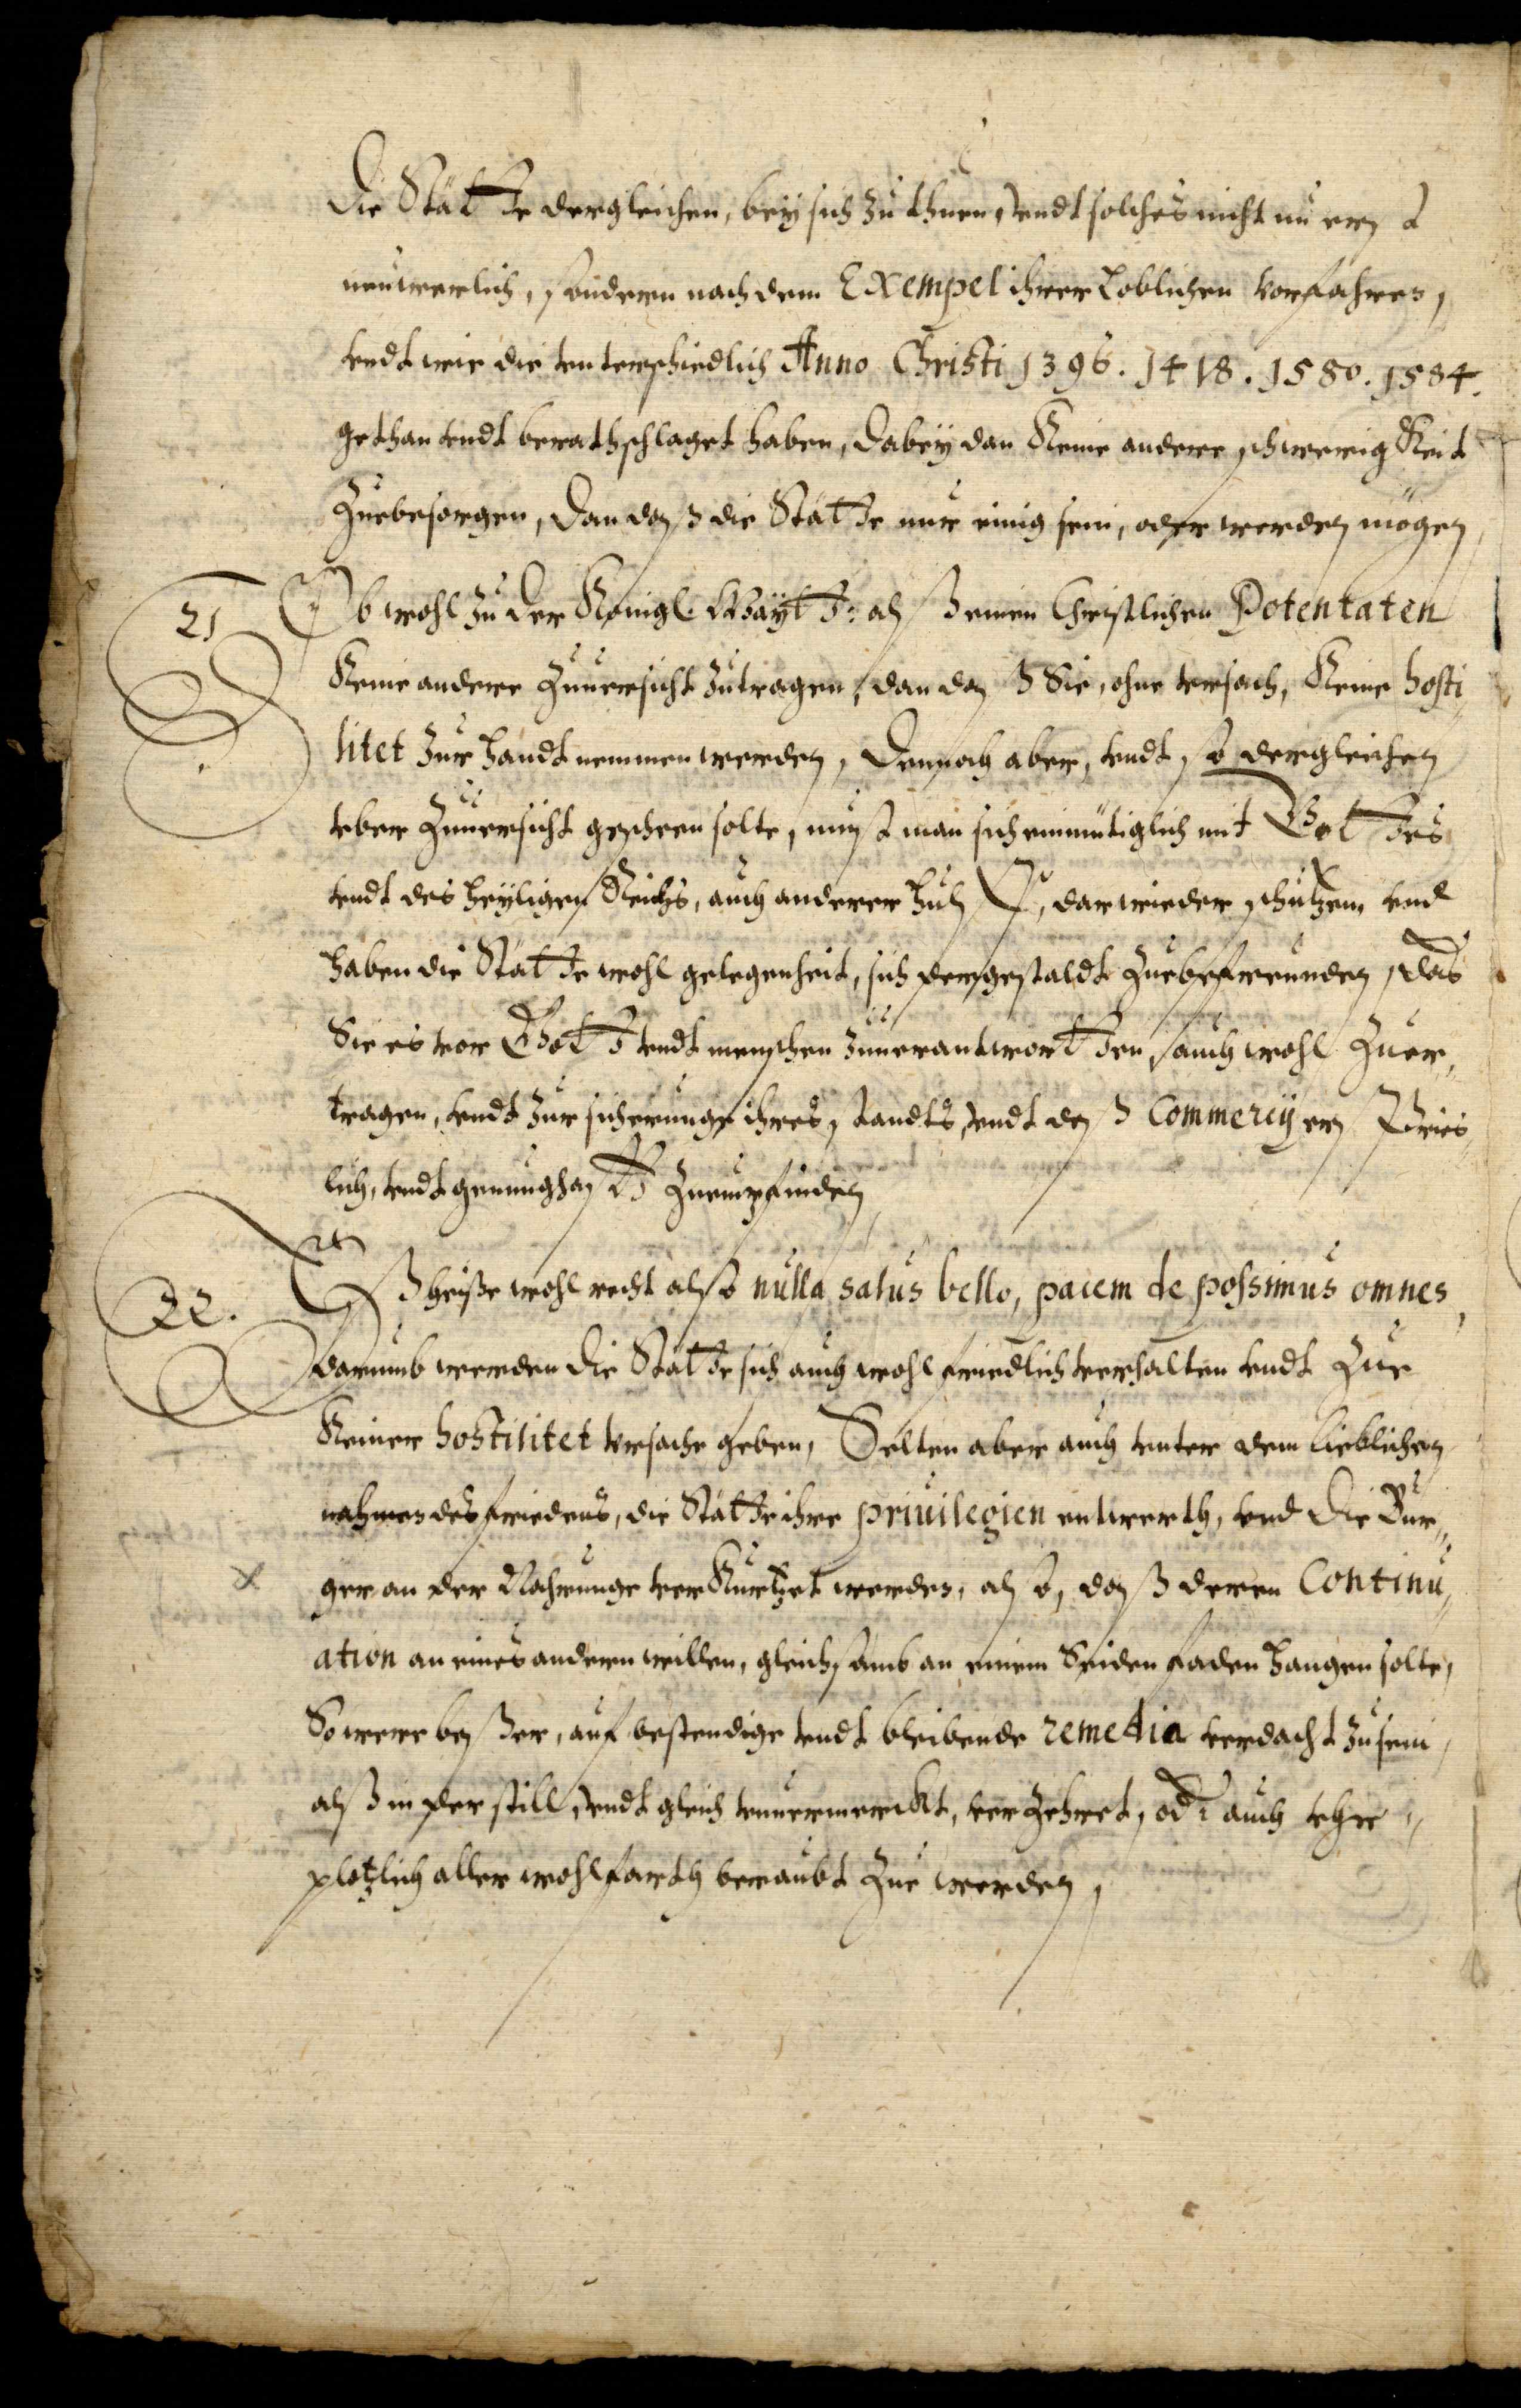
die Stätte dergleichen, beij sich zu thuen, vndt solches nicht nu erst
neuwerlich, sondern nach dem Exempel ihrer Loblichen Vorfahren,
vndt wie die unterschiedlich Anno Christi 1396. 1418. 1580. 1584.
gethan vndt berathschlaget haben, Dabeij dan Keine andere schwerigkeit
zuebesorgen, dan daß die Stätte nur einig sein, oder werden mögen,
Obwohl zu der Konigl: Maijtt: alß einen Christlichen Potentaten
keine andere Zuuersicht zutragen, dan daß Sie, ohne vrsach, Keine Hosti¬
litet zur handt nemmen werden, Dennoch aber, vndt so dergleichen
vber Zuuersicht gescheen solte, muß man sich einmütiglich mit Gottes
vndt des heijligen Reichs, auch anderer hulff, darwieder schutzen, vnd
haben die Stätte wohl gelegenheit, sich dergestaldt zue befreunden, das
Sie es vor Gott vndt menschen zuuerantwortten, auch wohl Zuer¬
tragen, vndt zur sicherunge ihres standts, vndt deß Commercij erspries¬
lich, vndt genunghafft Zuempfinden,
Eß heiße wohl recht also nulla salus bello, pacem de possimus omnes,
darumb werden die Stätte sich auch wohl friedlich verhalten vndt Zue
Keiner Hostilitet vrsache geben, Selten aber auch vnter dem lieblichen
nahmen des friedens, die Stätte ihre priuilegien entwerth, vnd die Bur¬
ger an der Nahrunge verkurtzet werden, also, daß deren Continu¬
ation an eines andern willen, gleichsamb an einem Seidenfaden hangen solte,
So were beßer, auf bestendige vndt bleibende remedia verdacht zu sein,
alß in der still, vndt gleich vnuermerckt, verzehret, oder auch vhr¬
plotzlich aller wohlfarth beraubt Zue werden,
21
22.
